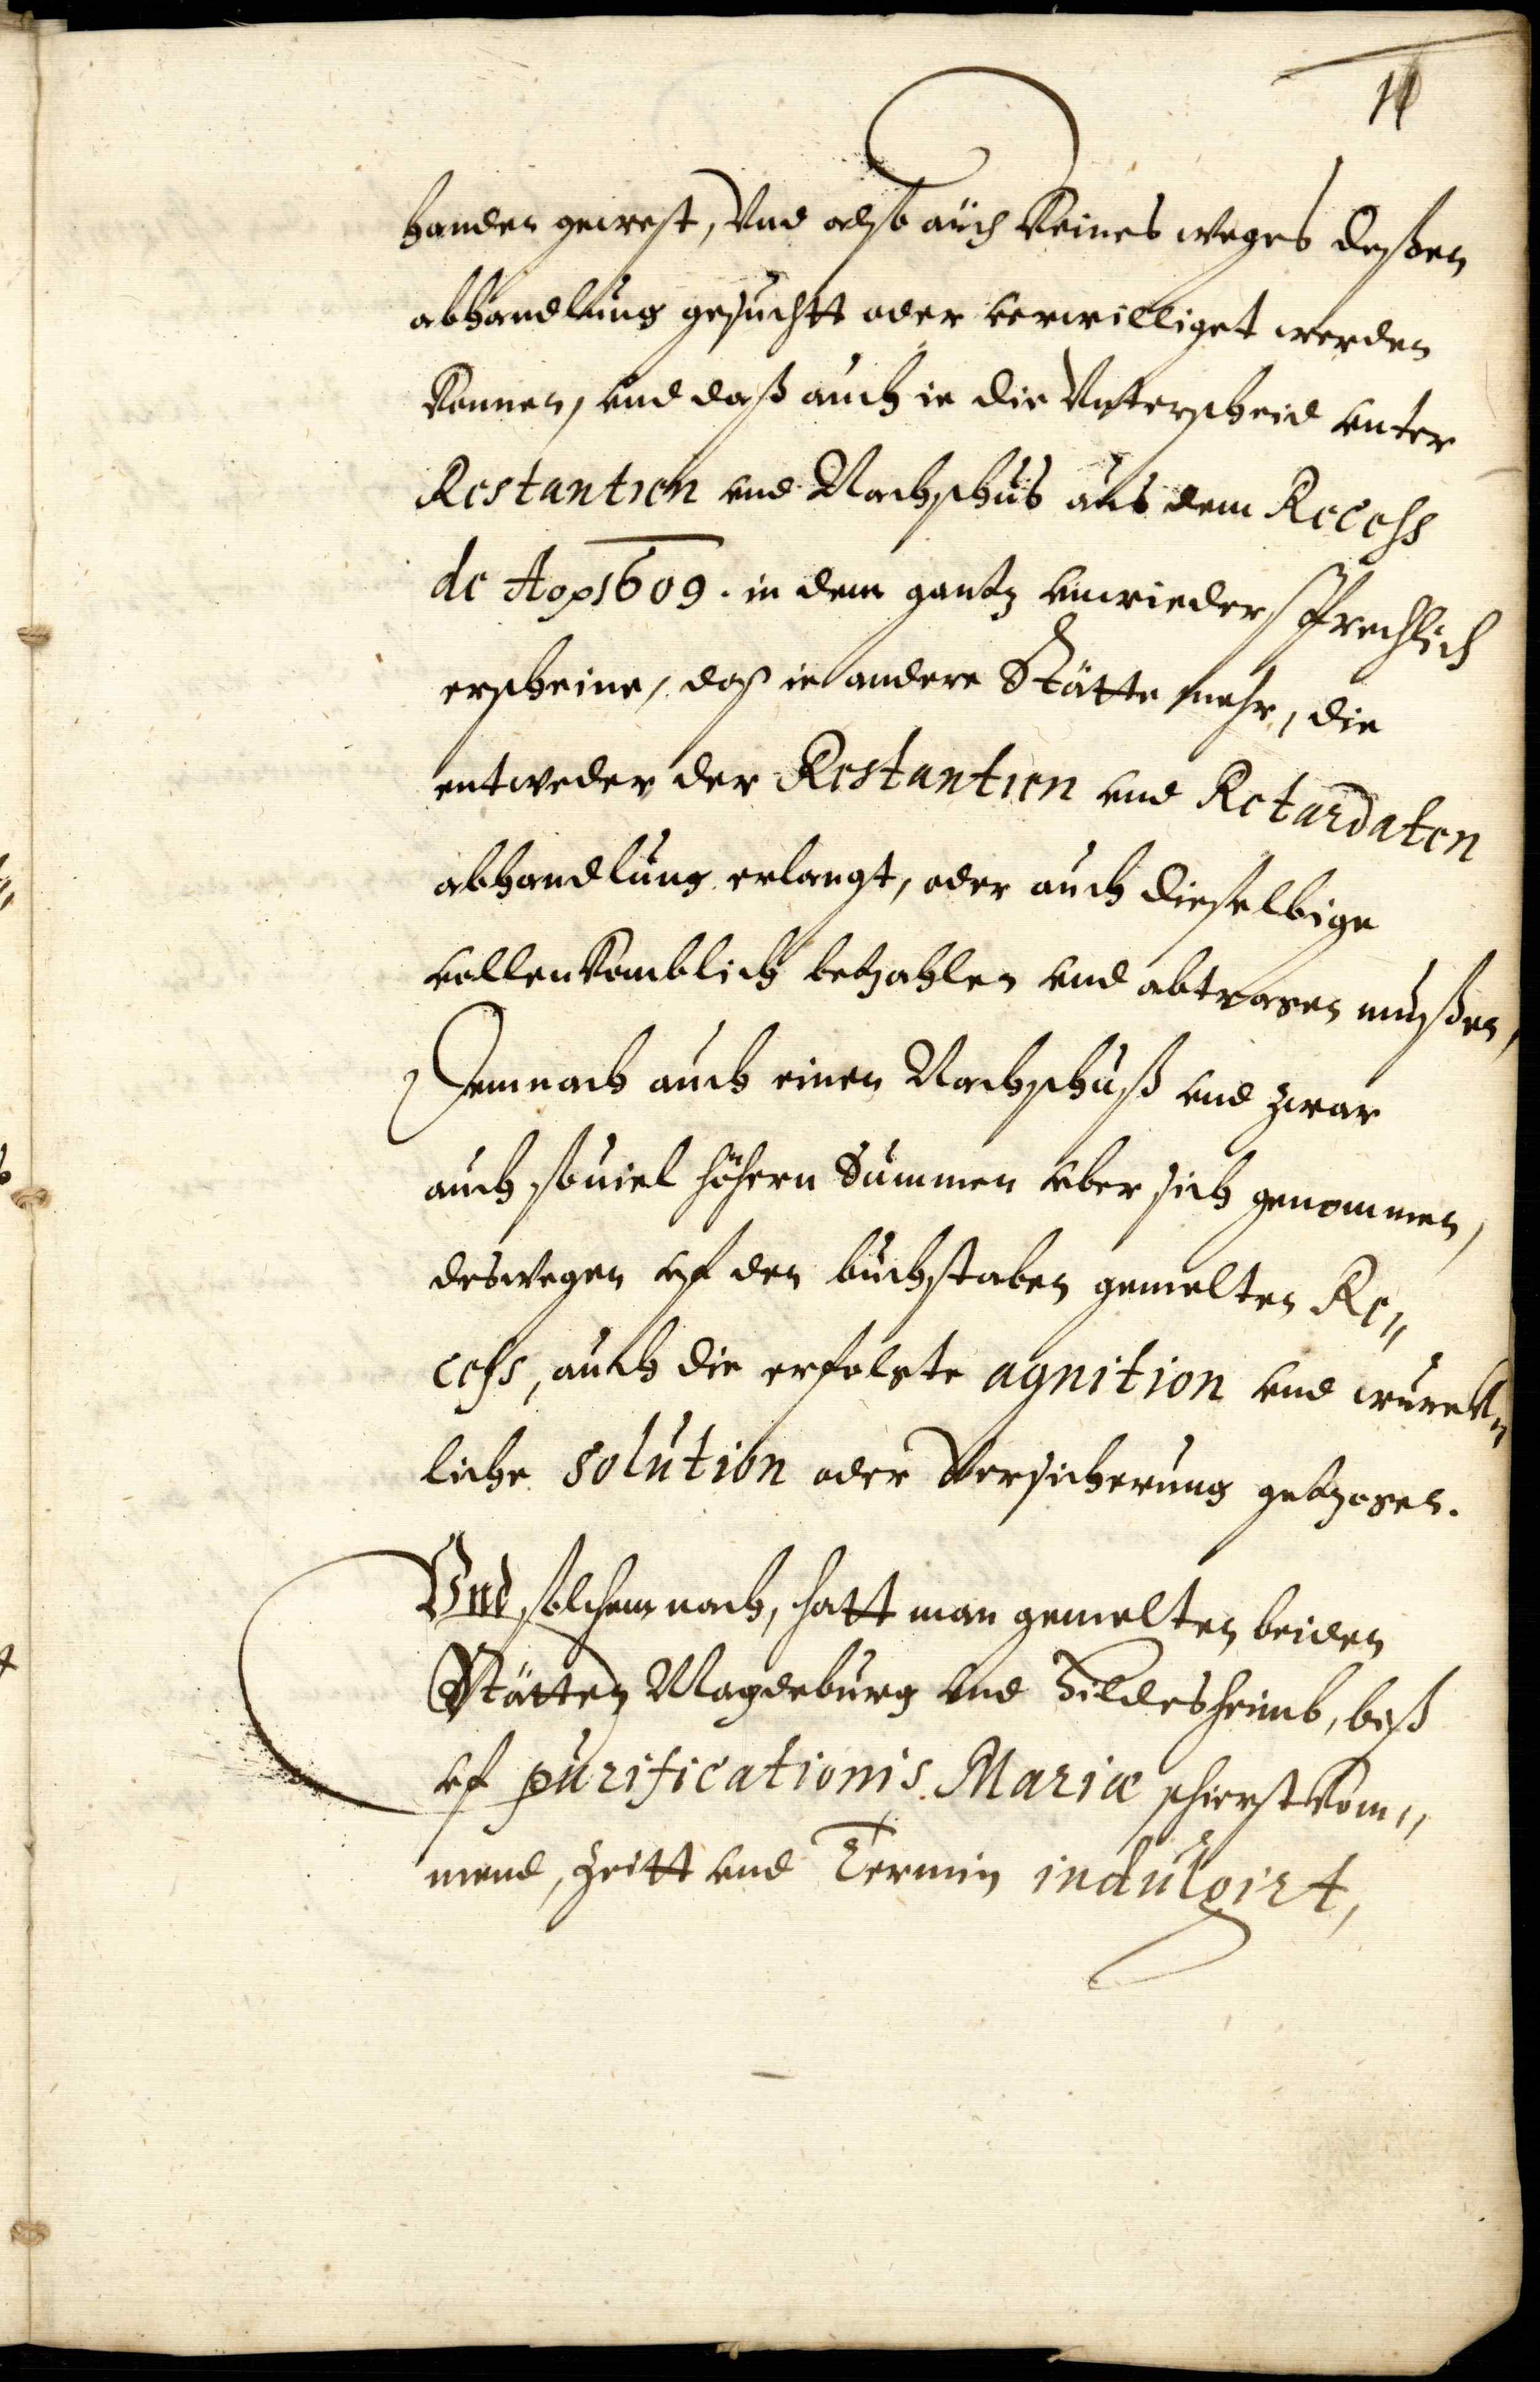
11
handen gewest, Vnd also aüch Keines weges deßen
abhandlung gesuchtt oder verwilliget werden
konnen, vnd daß auch in die Vnterscheid vnter
Restantien vnd Nachschus aus dem Recess
de Ao p 1609. in dem gantz vnwiedersprechlich
erscheine, daß in andere Stätte mehr, die
entweder der Restantien vnd Retardaten
abhandlung erlangt, oder auch dieselbige
vollenkomblich betzahlen vnd abtragen mußen,
Demnach auch einen Nachschuß vnd zwar
auch, souiel höhern Summen vber sich genommen,
deswegen vf den buchstaben gemelten Re¬
cess, auch die erfolgte agnition vnd wurck¬
liche solution oder Versicherung getzogen.
Vnd, solchem nach, hatt man gemelten beiden
Stätten Magdeburg vnd Hildesheimb, biß
vf purificationis Mariae schierstkom¬
mend, Zeitt vnd Termin indulgirt,
